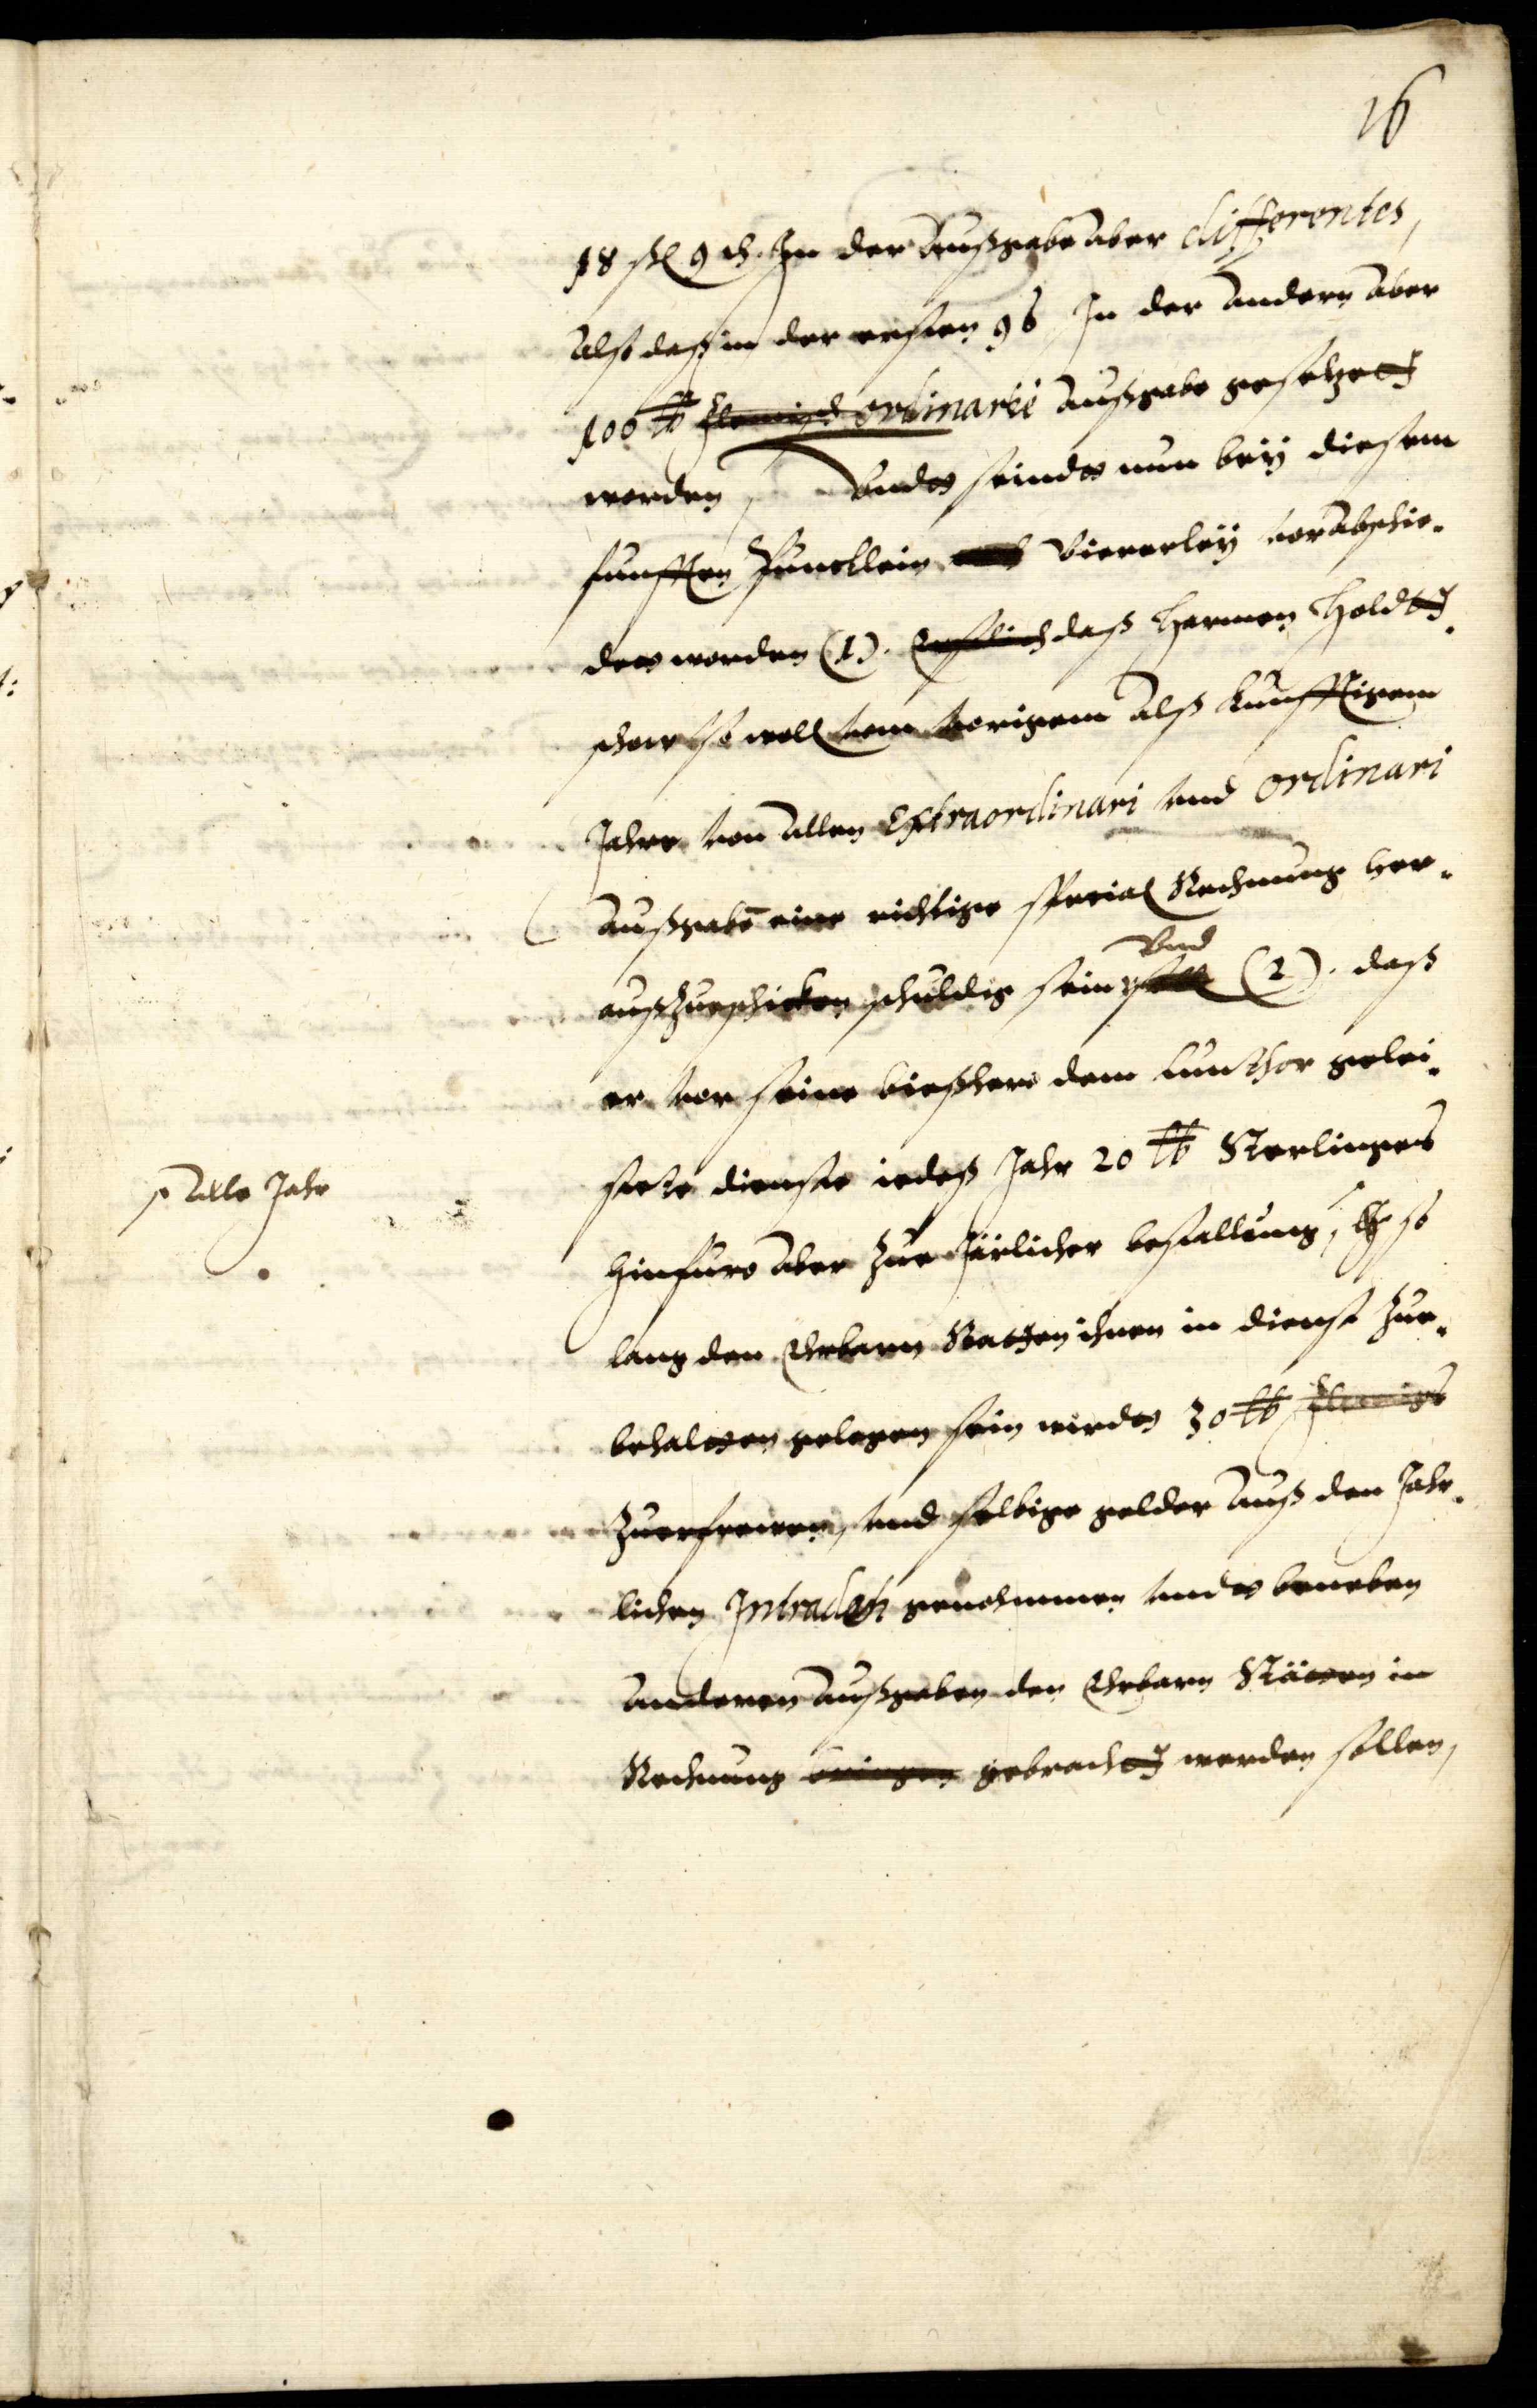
16
18 ßl. 9 d. In der außgabe Aber differentes,
Also daß in der ersten 96 In der andern aber
100 lb Flamisch ordinarie Außgabe gesetzett
worden, Vndtt seindtt nun beij diesem
funfften Punctlein vmb viererleij vorabschie¬
dett worden (1). Erstlich daß Harmen Holdtt¬
schow so woll vom vorigem Alß Kunfftigem
Jahre von allen Extraordinari vnd ordinari
Außgaben eine richtige special Rechnung her¬
außzueschicken schuldig sein soll Vnd (2). daß
er vor seine bießhero dem Cunthor gelei¬
stete dienste iedeß Jahr 20 lb Sterlinges
hinfuro Aber zue Järlicher bestallung, * H so
lang den Ehrbarn Statten ihnen in dienst zue¬
behaltten gelegen sein wirdtt 30 lb Flemigs
zuerfrewen, vnd selbige gelder Auß den Jahr¬
lichen Intraden genohmmen vndtt beneben
Anderen Außgaben den Ehrbaren Stätten in
Rechnung bringen gebracht werden sollen,
* Alle Jahr
